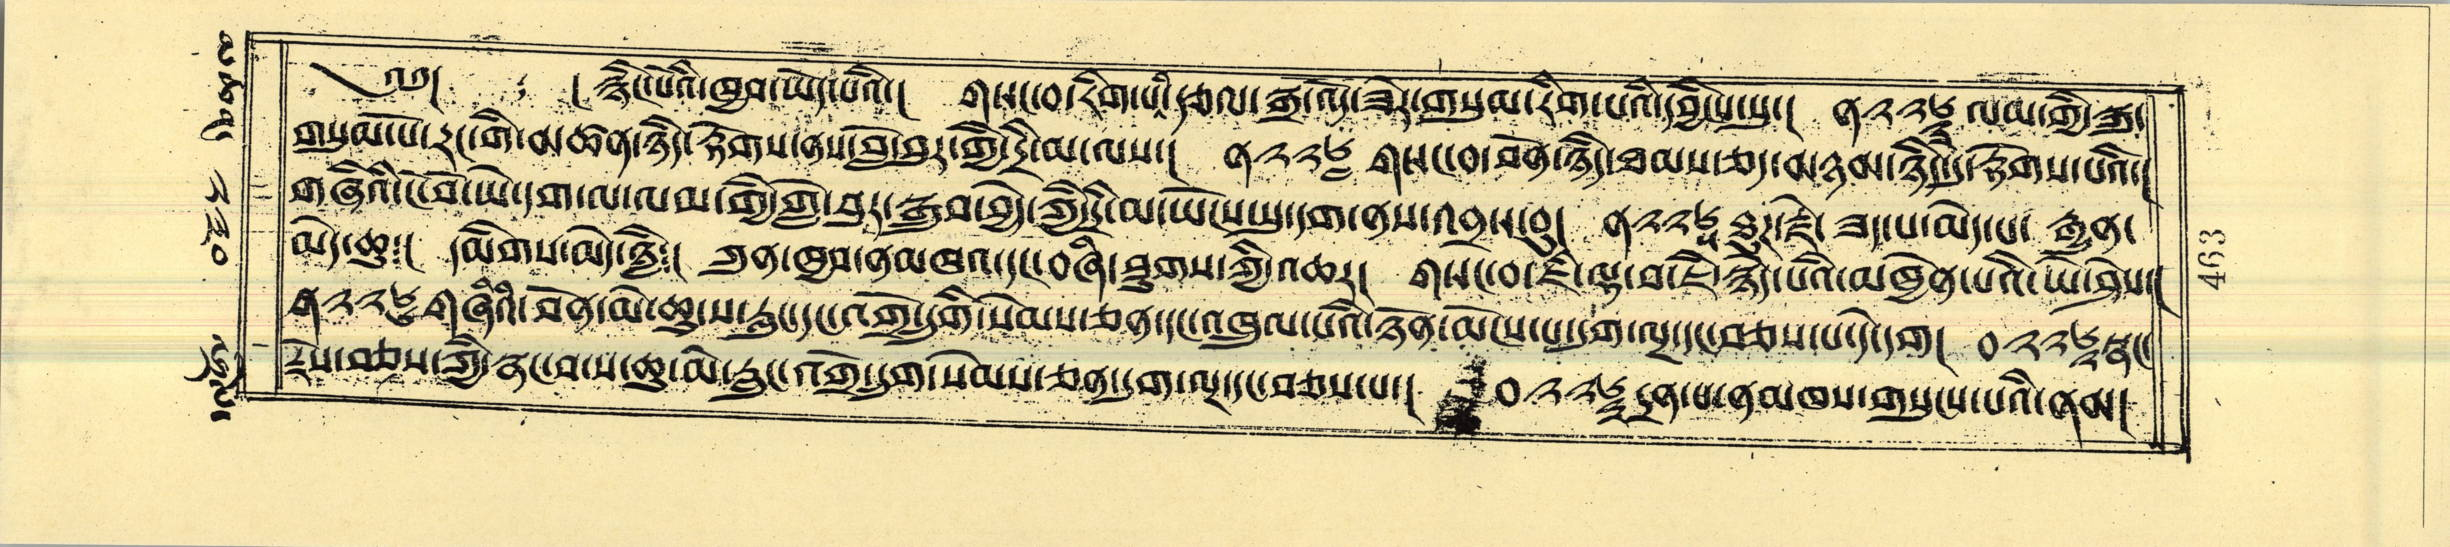སྙིང་པོའི་ཁྱབ་ཡོད་པའི་༼གསང་བ༽རིག་པའི་རྩལ་སྒྲ་འོད་ཟེར་གསུམ་རིག་པའི་དབྱིངས་སུ་ན༢༢༦།༣ལམ་གྱི་སྐུ་
གསུམ་པོ་རང་གི་༼མཚན་ཉིད༽རྟོགས་ནས་གློ་བུར་གྱི་དྲི་མ་ལས་ན༢༢༦།༤༼གསང་བ༽བོན་ཉིད་ཐམས་ཅད་མཉམ་པ་ཉིད་དུ་རྟོགས་པའི། 
གཞིའི་ངོ་བོ་ཡེ་དག་ལ་ལམ་གྱི་གློ་བུར་སྒྲིབ་བྱེད་ཀྱི་དྲི་མ་ཡོངས་སུ་དག་ནས་༼འབྲས་བུ༽ན༢༢༦།༥༼ཐུགས་རྗེ༽ཟད་པ་མེད་པ་རྒྱུན་
མེད་ཆུ་དམིགས་མེད་ཉི་མ་ཀུན་ཁྱབ་ནམ་མཁའ་དང་བཞི་ཤུགས་ཀྱིས་འཆར།༼གསང་བ༽ཇི་ལྟ་བ་ཇི་སྙེད་པའི་མཁྱེན་པའི་ཡེ་ཤེས་
ན༢༢༦།༦༼གཞིའི༽བོན་ས་ཆུ་མེ་རླུང་འགྲོ་དྲུག་སེམས་ཅན་འཁྱུལ་བའི་ཉོན་མོངས་དུག་ལྔ་དང་བཅས་པ་དེ་དག བ༢༢༦།༢སྣང་
རྡོས་བཅས་ཀྱི་སྣང་བས་ས་ཆུ་མེ་རླུང་འགྲོ་དྲུག་སེམས་ཅན་དུག་ལྔ་དང་བཅས་པ། བ༢༢༦།༣དྲན་པ་ནམ་མཁས་གསུངས་པའི་༼ནམ༽